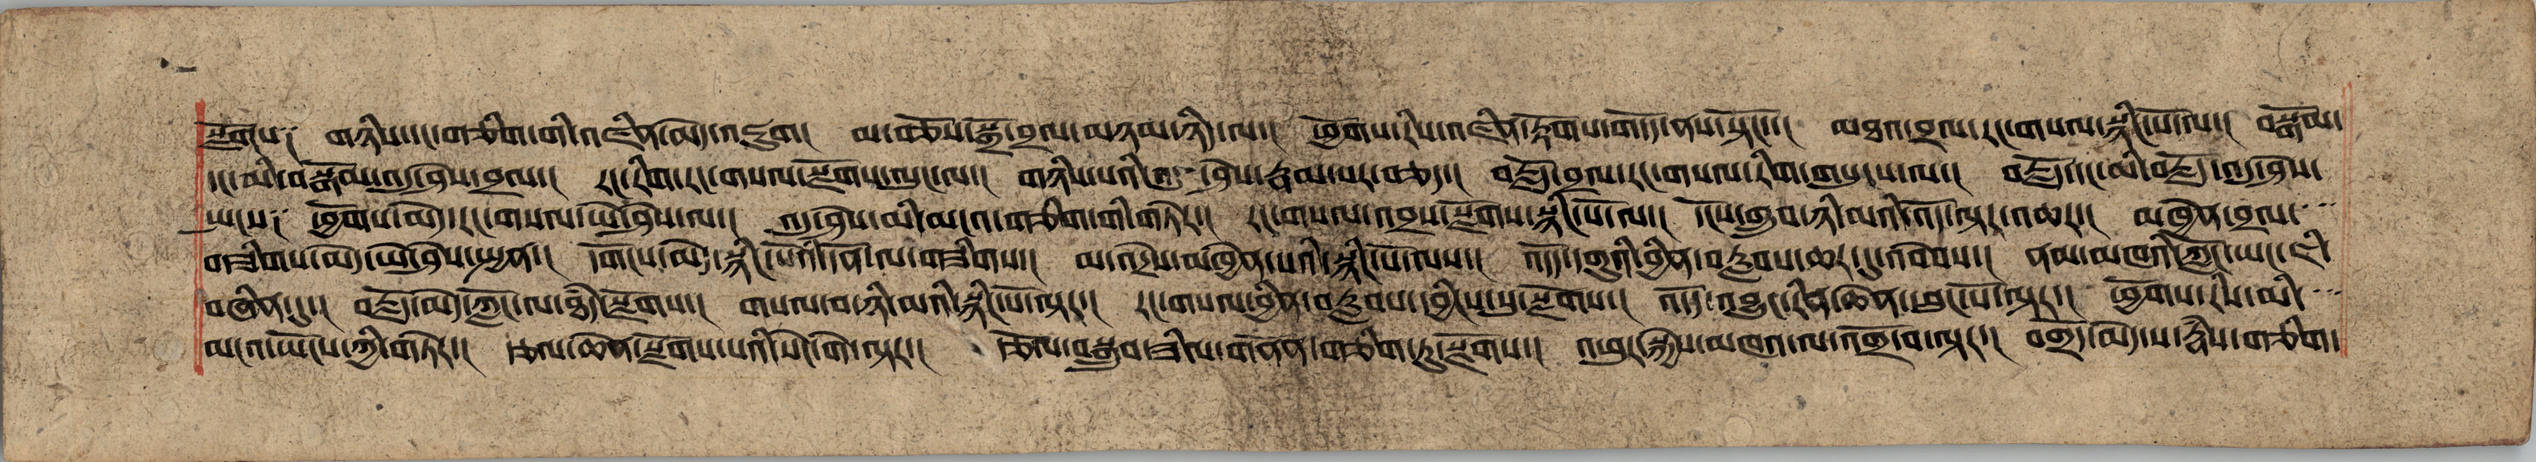སྫོགས་། གཉིས་དང་གཅིག་གི་འཛིན་མཻད་འཇུག། མ་བཅོས་སྒྲོ་བྲལ་མཉམ་ཉིད་ལ་། ཕྱོགས་རིས་འཛིན་རྟོགས་གདོད་ནས་སྟོང་་། མཐའ་བྲལ་རང་གསལ་སྙིང་པོ་ལ་། བསྒོམ་
དང་མི་བསྒོམ་འདུ་ཤེས་བྲལ་། རང་རིག་རང་གསལ་སྫོགས་ལུང་ལ་། གཉིས་པའི་འདུ་ཤེས་རྣམ་པར་བཅད་། བརྗོད་བྲལ་རང་གསལ་རིག་གསུངས་ལ་། བརྗོད་དང་མི་བརྗོད་འདུ་ཤེས་
སྤངས༑ ཕྱོགས་མེད་རང་གསལ་ཡེ་ཤེས་ལ་། འདུ་ཤེས་མི་མངའ་གཅིག་གི་གཏེར་། རང་གསལ་འབྲས་སྫོགས་སྙིང་པོ་ལ་། དངོས་གྲུབ་ཉི་མའི་འོད་ལྟར་འཆར་། མཁྱེན་བྲལ་
གཟིགས་མེད་ཡེ་ཤེས་སྤྱན་། དགོངས་མེད་སྙིང་པོའི་དོན་ལ་གཟིགས་། མ་འདྲེས་མཁྱེན་པའི་སྙིང་པོ་ལས་། འདོད་དགུའི་བྱིན་བརླབས་ཆར་དུ་འབེབས་། ནམ་མཁའི་ཀློང་ཡང་ཇི་
བཞིན་དུ་། བརྗོད་མེད་ཀློང་ལ་ཐཾད་རྫོགས་། གསལ་བ་ཉི་མའི་སྙིང་པ་ོལྟར་། རང་གསལ་བྱིན་བརླབས་དབྱིངས་སུ་སྫོགས་། འདོད་འབྱུང་རིན་ཆེན་ཕུང་པོ་ལྟར་། ཕྱོགས་རིས་མི་
མངའ་ཡོངས་ཀྱི་གཏེར་། རྩལ་ཆེན་སྫོགས་པའི་སེང་གེ་ལྟར་། རྩོལ་བསྒྲུབ་ཟིལ་གནོན་གཅིག་ཏུ་སྫོགས་། འཕུར་སྐྱེས་མཁའ་ལ་འགྲོ་བ་ལྟར་། བགྲོད་མེད་པ་རྣཾས་གཅིག་